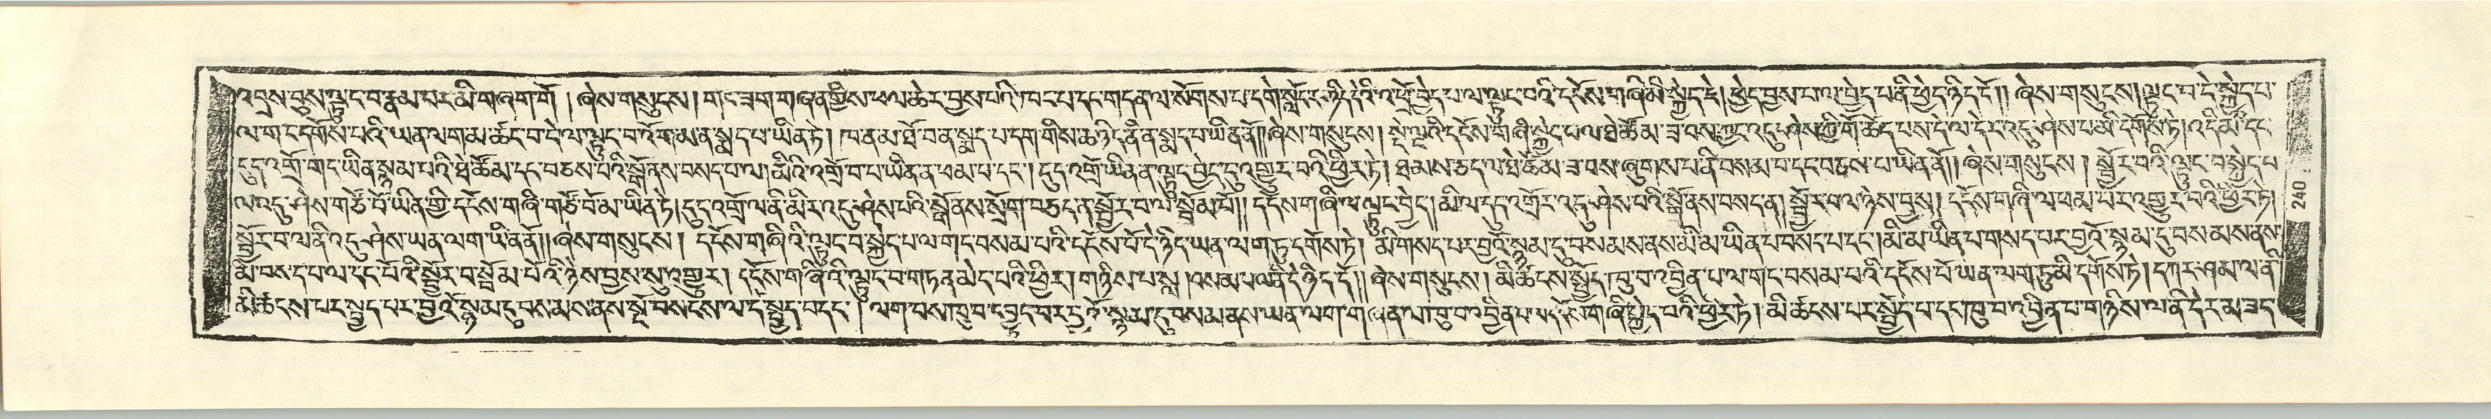འབྲས་བུས་ལྟུང་བ་རྣམ་པར་མི་གཞག་གོ །ཞེས་གསུངས། གང་ཟག་གཞན་གྱིས་ཕལ་ཆེར་བྱས་པའི་ཁང་པ་དང་གདན་ལ་སོགས་པ་དགེ་སློང་རང་ཉིད་དེའི་འཕྲོ་བྱེད་པ་ལ་ལྟུང་བའི་དངོས་གཞི་མི་སྐྱེད་དེ། ཕྱེད་བྱས་པ་ལ་བྱེད་པ་ནི་ཕྱེད་ཉིད་དོ། །ཞེས་གསུངས། ལྟུང་བ་དེ་སྐྱེད་པ་
ལ་གང་དགོས་པའི་ཡན་ལག་མ་ཚང་བ་དེ་ལ་ལྟུང་བ་འོག་མ་ན་སྨད་པ་ཡིན་ཏེ། ཁ་ན་མ་ཐོ་བ་ན་སྨད་པ་དག་གིས་ཆ་ཉིད་ནི་ན་སྨད་པ་ཡིན་ནོ། །ཞེས་གསུངས། སྡེ་ལྔའི་དངོས་གཞི་སྐྱེད་པ་ལ་ཐེ་ཚོམ་ཟ་བས་ཀྱང་འདུ་ཤེས་ཀྱི་གོ་ཆོད་པས་དེ་ལ་དེར་འདུ་ཤེས་པ་མི་དགོས་ཏེ། འདི་མི་དང་
དུད་འགྲོ་གང་ཡིན་སྙམ་པའི་ཐེ་ཚོམ་དང་བཅས་པའི་སྒོ་ནས་བསད་པ་ལ། མིའི་འགྲོ་བ་པ་ཡིན་ན་ཕམ་པ་དང་། དུད་འགྲོ་ཡིན་ན་ལྟུང་བྱེད་དུ་འགྱུར་བའི་ཕྱིར་ཏེ། ཐམས་ཅད་ལ་ཐེ་ཚོམ་ཟ་བས་ཞུགས་པ་ནི་བསམ་པ་དང་བཅས་པ་ཡིན་ནོ། །ཞེས་གསུངས། སྦྱོར་བའི་ལྟུང་བ་སྐྱེད་པ་
ལ་འདུ་ཤེས་གཙོ་བོ་ཡིན་གྱི་དངོས་གཞི་གཙོ་བོ་མ་ཡིན་ཏེ། དུད་འགྲོ་ལ་ནི་མིར་འདུ་ཤེས་པའི་སྒོ་ནས་སྲོག་བཅད་ན་སྦྱོར་བ་ལ་སྦོམ་པོ། །དངོས་གཞི་ལ་ལྟུང་བྱེད། མི་ལ་དུད་འགྲོར་འདུ་ཤེས་པའི་སྒོ་ནས་བསད་ན། སྦྱོར་བ་ལ་ཉེས་བྱས། དངོས་གཞི་ལ་ཕམ་པར་འགྱུར་བའི་ཕྱིར་ཏེ།
སྦྱོར་བ་ལ་ནི་འདུ་ཤེས་ཡན་ལག་ཡིན་ནོ། །ཞེས་གསུངས། དངོས་གཞིའི་ལྟུང་བ་སྐྱེད་པ་ལ་གང་བསམ་པའི་དངོས་པོ་དེ་ཉིད་ཡན་ལག་ཏུ་དགོས་ཏེ། མི་གསད་པར་བྱའོ་སྙམ་དུ་བསམས་ནས་མི་མ་ཡིན་པ་བསད་པ་དང་། མི་མ་ཡིན་པ་གསད་པར་བྱའོ་སྙམ་དུ་བསམས་ནས་
མི་བསད་པ་ལ་དང་པོའི་སྦྱོར་བ་སྦོམ་པོའི་ཉེས་བྱས་སུ་འགྱུར། དངོས་གཞིའི་ལྟུང་བ་གཏན་མེད་པའི་ཕྱིར། གཉིས་པ་སླ། བསམ་པ་ལ་ནི་དེ་ཉིད་དོ། །ཞེས་གསུངས། མི་ཚངས་སྤྱོད་ཁུ་བ་འབྱིན་པ་ལ་གང་བསམ་པའི་དངོས་པོ་ཡན་ལག་ཏུ་མི་དགོས་ཏེ། དཀར་ཤམ་ལ་ནི་
མི་ཚངས་པར་སྤྱད་པར་བྱའོ་སྙམ་དུ་བསམས་ནས་སྔོ་བསངས་ལ་དེ་སྤྱད་པ་དང་། ལག་བས་ཁུ་བ་དབྱུང་བར་བྱའོ་སྙམ་དུ་བསམ་ནས་ཡན་ལག་གཞན་ལ་ཁུ་བ་འབྱིན་པ་ལ་དངོས་གཞི་སྐྱེད་པའི་ཕྱིར་ཏེ། མི་ཚངས་པར་སྤྱོད་པ་དང་ཁུ་བ་འབྱིན་པ་གཉིས་ལ་ནི་དེར་མ་ཟད་